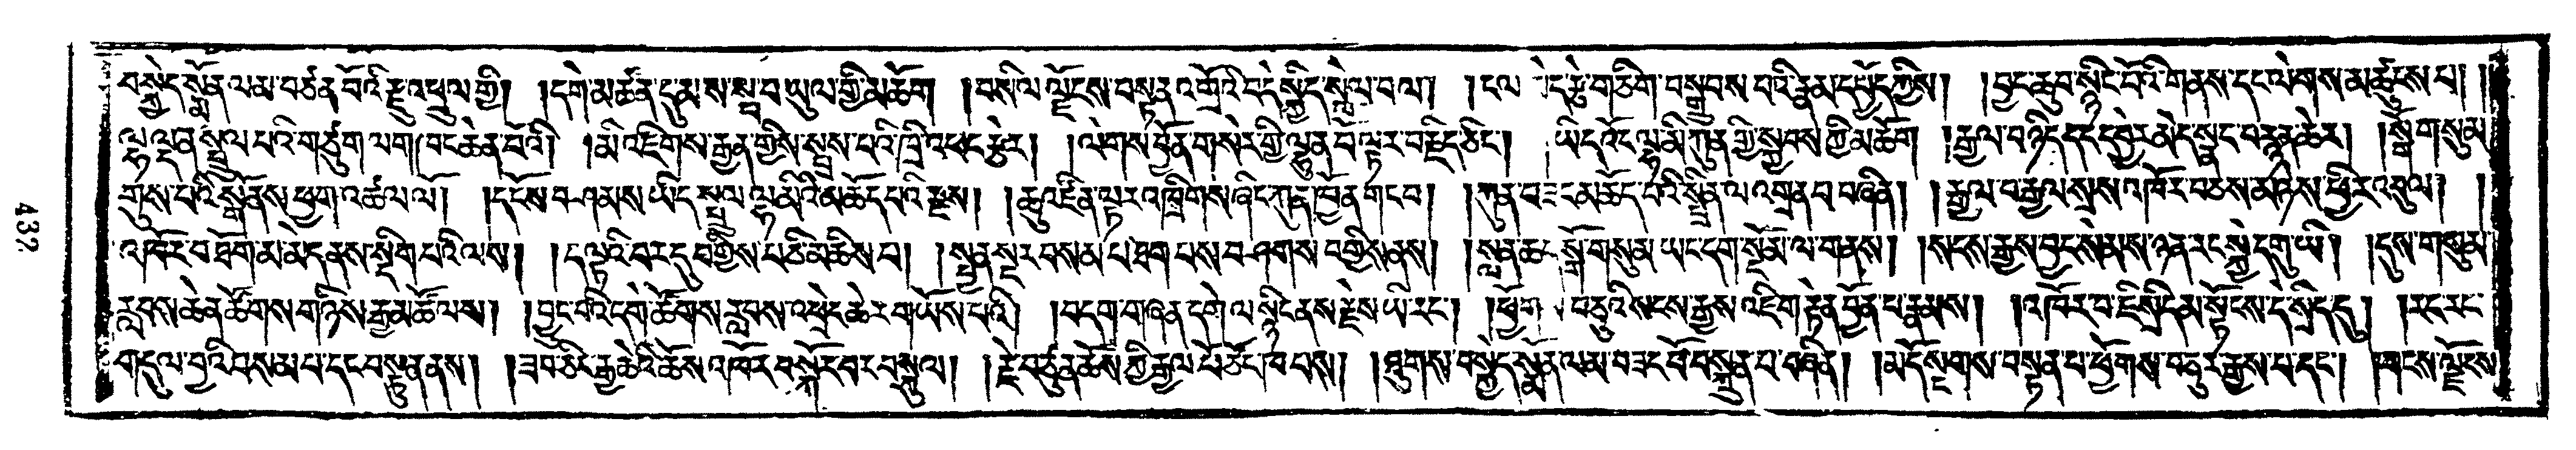བསྐྱེད་སྨོན་ལམ་བཙན་བོའི་རྫུ་འཕྲུལ་གྱི། །དགེ་མཚན་དུ་མས་སྦ་བ་ཡུལ་གྱི་མཆོག །བསིལ་ལྗོངས་བསྟན་འགྲོའི་བདེ་སྐྱིད་སྤེལ་བ་ལ། །ངལ་མེད་རྩེ་གཅིག་བསྒྲུབས་བའི་རྣམ་དཔྱོད་ཀྱིས། །བྱང་ཆུབ་སྙིང་བོའི་གནས་དང་ལེགས་མཚུངས་པ། །
ལྷ་ལྡན་སྤྲུལ་པའི་གཙུག་ལག་ཁང་ཆེན་བོའི། །མི་འཇིགས་རྒྱན་གྱིས་སྤྲས་པའི་ཁྲི་འཕང་རྩེར། །ལེགས་བྱོན་གསེར་གྱི་ལྷུན་བོ་ལྟར་བརྗིད་ཅིང་། །ཡིད་འོང་ལྷ་མི་ཀུན་གྱི་སྐྱབས་ཀྱི་མཆོག །རྒྱལ་བ་ཉིད་དང་དབྱེར་མེད་སྣང་བརྙན་ཆེར། །སྒོ་གསུམ་
གུས་པའི་སྒོ་ནས་ཕྱག་འཚལ་ལོ། །དངོས་བཤམས་ཡིད་སྤྲུལ་ལྷ་མིའི་མཆོད་པའི་རྫས། །ཆུ་འཛིན་ལྟར་འཁྲིགས་ཞིང་ཀུན་ཁྱོན་གང་བ། །ཀུན་བཟང་མཆོད་པའི་སྤྲིན་ལ་འགྲན་བ་བཞིན། །རྒྱལ་བ་རྒྱལ་སྲས་འཁོར་བཅས་མཉེས་ཕྱིར་འབུལ། །
འཁོར་བ་ཐོག་མ་མེད་ནས་སྡིག་པའི་ལས། །ད་ལྟའི་བར་དུ་བགྱིས་པ་ཅི་མཆིས་པ། །སྤྱན་སྔར་བསམ་པ་ཐག་པས་བཤགས་བགྱིས་ནས། །སླན་ཆད་སྒོ་གསུམ་ཡང་དག་སྔོམ་ལ་གནས། །སངས་རྒྱས་བྱང་སེམས་ཉན་རང་སྐྱེ་དགུ་ཡི། །དུས་གསུམ་
རླབས་ཆེན་ཚོགས་གཉིས་རྒྱ་མཚོ་ལས། །བྱུང་བའི་དགེ་ཚོགས་རླབས་འཕྲེང་ཆེར་གཡོས་པའི། །བདག་གཞན་དགེ་ལ་སྙིང་ནས་རྗེས་ཡི་རང་། །ཕྱོགས་བཅུའི་སངས་རྒྱས་འཇིག་རྟེན་བྱོན་པ་རྣམས། །འཁོར་བ་ཇི་སྲིད་མ་སྟོངས་དེ་སྲིད་དུ། །རང་རང་
གདུལ་བྱའི་བསམ་པ་དང་བསྟུན་ནས། །ཟབ་ཅིང་རྒྱ་ཆེའི་ཆོས་འཁོར་བསྐོར་བར་བསྐུལ། །རྗེ་བཙུན་ཆོས་ཀྱི་རྒྱལ་པོ་ཙོང་ཁ་པས། །ཐུགས་བསྐྱེད་སྨོན་ལམ་བཟང་པོ་བསྐྲུན་བ་བཞིན། །མདོ་སྔགས་བསྟན་པ་ཕྱོགས་བཅུར་རྒྱས་པ་དང་། །གངས་ལྗོངས་